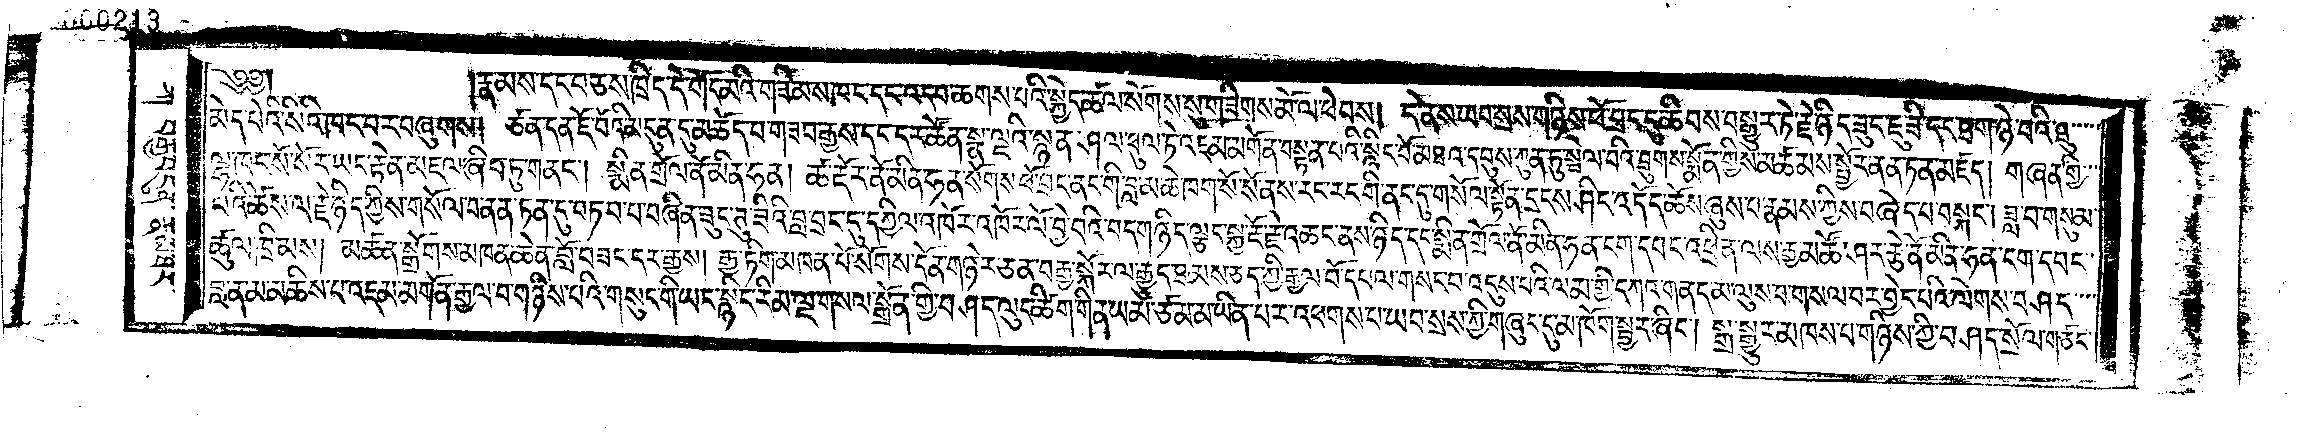༄༅། །རྣམས་དང་བཅས་ཁྲིད་དེ་གོང་མའི་གཟིམས་ཁང་དང་འདབ་ཆགས་པའི་སྐྱེད་ཚལ་སོགས་སུ་གཟིགས་མོ་ལ་ཕེབས། དེ་ནས་ཡབ་སྲས་གཉིས་ཕོ་བྲང་དུ་ཆིབས་བསྒྱུར་ཏེ་རྗེ་ཉིད་ཟུང་ཇུ་ཟི་དང་ཐག་ཉེ་བའི་ཐུ་
མེད་པེའི་སིའི་ཁང་བར་བཞུགས། ཙན་དན་ཇོ་བོའི་མདུན་དུ་མཆོད་པ་གཟབ་རྒྱས་དང་དར་ཚོན་སྣ་ལྔའི་སྙན་ཤལ་ཕུལ་ཏེ་འཇམ་མགོན་བསྟན་པའི་སྙིང་པོ་མཐའ་དབུས་ཀུན་ཏུ་སྤེལ་བའི་ཐུགས་སྨོན་གྱིས་མཚམས་སྦྱོར་ནན་ཏན་མཛད། གཞན་གྱི་
ལྷ་ཁང་སོ་སོར་ཡང་རྟེན་མཇལ་ཞིབ་ཏུ་གནང་། སྨིན་གྲོལ་ནོ་མིན་ཧན། ཚ་རྡོར་ནོ་མིན་ཧན་སོགས་ཕོ་བྲང་ནང་གི་བླ་མ་ཆེ་ཁག་སོ་སོ་ནས་རང་རང་གི་ནང་དུ་གསོལ་སྟོན་དྲངས་ཤིང་འདོད་ཆོས་ཞུས་པ་རྣམས་ཀྱིས་བཞེད་པ་བསྐང་། ཟླ་བ་གསུམ་
པའི་ཚེས་ལ་རྗེ་ཉིད་ཀྱིས་གསོལ་བ་ནན་ཏན་དུ་བཏབ་པ་བཞིན་ཟུང་ཊུ་ཟིའི་བླ་བྲང་དུ་དཀྱིལ་འཁོར་འཁོར་ལོ་བྱེ་བའི་བདག་ཉིད་ལྕང་སྐྱ་རྡོ་རྗེ་འཆང་ནས་ཉིད་དང་སྨིན་གྲོལ་ནོ་མིན་ཧན་ངག་དབང་འཕྲིན་ལས་རྒྱ་མཚོ་ཤར་རྩེ་ནོ་མིན་ཧན་ངག་དབང་
ཚུལ་ཁྲིམས། མཚན་སྒྲོགས་མཁན་ཆེན་བློ་བཟང་དར་རྒྱས། རྒྱ་ཏིག་མཁན་པོ་སོགས་དོན་གཉེར་ཅན་བརྒྱ་སྐོར་ལ་རྒྱུད་ཐམས་ཅད་ཀྱི་རྒྱལ་པོ་དཔལ་གསང་བ་འདུས་པའི་ལམ་གྱི་དཀའ་གནད་མ་ལུས་བ་གསལ་བར་བྱེད་པའི་ལེགས་བཤད་
བླ་ནམ་མཆིས་པ་འཇམ་མགོན་རྒྱལ་བ་གཉིས་པའི་གསུང་གི་ཡང་སྙིང་རིམ་ལྔ་གསལ་སྒྲོན་གྱི་བཤད་ལུང་ཚིག་གི་ན་ཡམ་ཙམ་མ་ཡིན་པར་འཕགས་པ་ཡབ་སྲས་ཀྱི་གཞུང་དུ་མ་ཁོག་སྦྱར་ཞིང་། སྒྲ་སྒྱུར་མཁས་པ་གཉིས་ཀྱི་བཤད་སྲོལ་གཙང་